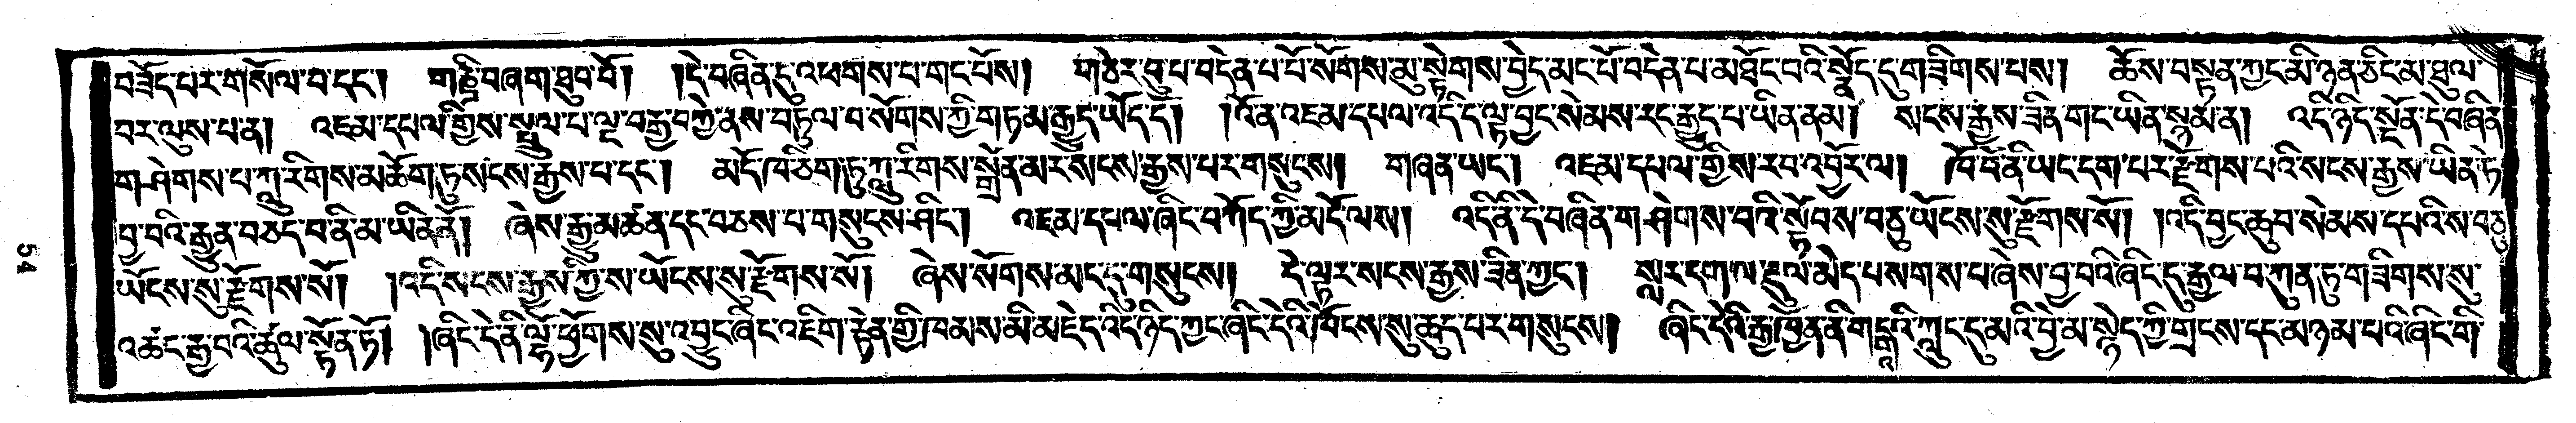བཟོད་པར་གསོལ་བ་དང་། གཎྜི་བཞག་ཐུབ་བོ། །དེ་བཞིན་དུ་འཕགས་པ་གང་པོས། གཅེར་བུ་པ་བདེན་པ་པོ་སོགས་མུ་སྟེགས་བྱེད་མང་པོ་བདེན་པ་མཐོང་བའི་སྣོད་དུ་གཟིགས་པས། ཆོས་བསྟན་ཀྱང་མི་ཉན་ཅིང་མ་ཐུལ་
བར་ལུས་པ་ན། འཇམ་དཔལ་གྱིས་སྤྲུལ་པ་ལྔ་བརྒྱ་བཀྱེ་ནས་བཏུལ་བ་སོགས་ཀྱི་གཏམ་རྒྱུད་ཡོད་དོ། །འོ་ན་འཇམ་དཔལ་འདི་ད་ལྟ་བྱང་སེམས་རང་རྒྱུད་པ་ཡིན་ནམ། སངས་རྒྱས་ཟིན་གང་ཡིན་སྙམ་ན། འདི་ཉིད་སྔོན་དེ་བཞིན་
གཤེགས་པ་ཀླུ་རིགས་མཆོག་ཏུ་སངས་རྒྱས་པ་དང་། མདོ་ཁ་ཅིག་ཏུ་ཀླུ་རིགས་སྒྲོན་མར་སངས་རྒྱས་པར་གསུངས། གཞན་ཡང་། འཇམ་དཔལ་གྱིས་རབ་འབྱོར་ལ། ཁོ་བོ་ནི་ཡང་དག་པར་རྫོགས་པའི་སངས་རྒྱས་ཡིན་ཏེ་
བྱ་བའི་རྒྱུན་བཅད་པ་ནི་མ་ཡིན་ནོ། ཞེས་རྒྱུ་མཚན་དང་བཅས་པ་གསུངས་ཤིང་། འཇམ་དཔལ་ཞིང་བཀོད་ཀྱི་མདོ་ལས། འདི་ནི་དེ་བཞིན་གཤེགས་པའི་སྟོབས་བཅུ་ཡོངས་སུ་རྫོགས་སོ། །འདི་བྱང་ཆུབ་སེམས་དཔའི་ས་བཅུ་
ཡོངས་སུ་རྫོགས་སོ། །འདི་སངས་རྒྱས་ཀྱི་ས་ཡོངས་སུ་རྫོགས་སོ། ཞེས་སོགས་མང་དུ་གསུངས། དེ་ལྟར་སངས་རྒྱས་ཟིན་ཀྱང་། སླར་དག་ལ་རྡུལ་མེད་པས་སགས་པ་ཞེས་བྱ་བའི་ཞིང་དུ་རྒྱལ་བ་ཀུན་ཏུ་གཟིགས་སུ་
འཚང་རྒྱ་བའི་ཚུལ་སྟོན་ཏོ། །ཞིང་དེ་ནི་ལྷོ་ཕྱོགས་སུ་འབྱུང་ཞིང་འཇིག་རྟེན་གྱི་ཁམས་མི་མཇེད་འདི་ཉིད་ཀྱང་ཞིང་དེའི་ཁོངས་སུ་ཆུད་པར་གསུངས། ཞིང་དེའི་རྒྱ་ཁྱོན་ནི་གངྒཱའི་ཀླུང་དུ་མའི་བྱེ་མ་སྙེད་ཀྱི་གྲངས་དང་མཉམ་པའི་ཞིང་གི་